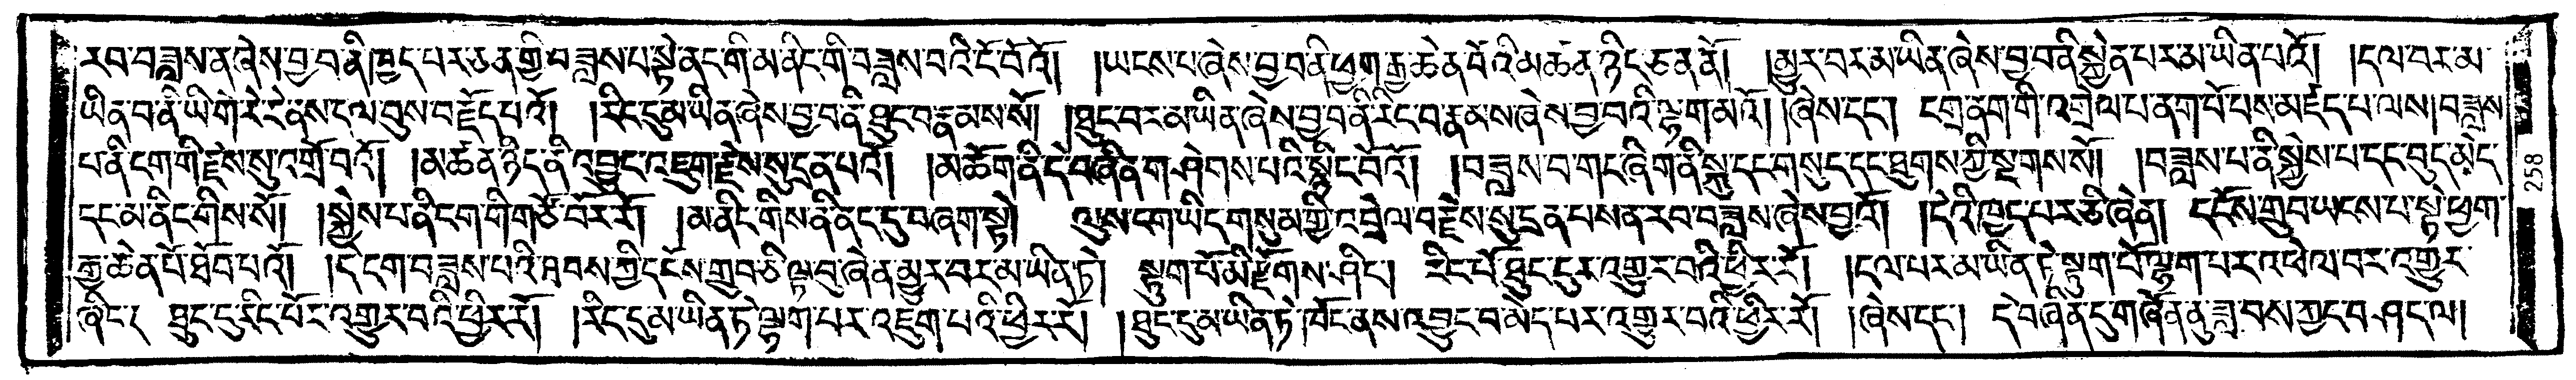རབ་བཟླས་ན་ཞེས་བྱ་བ་ནི་ཁྱད་པར་ཅན་གྱི་བཟླས་པ་སྟེ་ནང་གི་མ་ནིང་གི་བཟླས་བའི་ངོ་བོའོ། །ཡངས་པ་ཞེས་བྱ་བ་ནི་ཕྱག་རྒྱ་ཆེན་པོའི་མཚན་ཉིད་ཅན་ནོ། །མྱུར་བར་མ་ཡིན་ཞེས་བྱ་བ་ནི་སྐྱེན་པར་མ་ཡིན་པའོ། །དལ་བར་མ་
ཡིན་བ་ནི་ཡི་གེ་རེ་རེ་ནས་དལ་བུས་བརྗོད་པའོ། །རིང་དུ་མ་ཡིན་ཞེས་བྱ་བ་ནི་ཐུང་བ་རྣམས་སོ། །ཐུང་བར་མ་ཡིན་ཞེས་བྱ་བ་ནི་རིང་བ་རྣམས་ཞེས་བྱ་བའི་ལྷག་མའོ། །ཞེས་དང་། དགྲ་ནག་གི་འགྲེལ་པ་ནག་པོ་པས་མཛད་པ་ལས། བཟླས་
པ་ནི་ངག་གི་རྗེས་སུ་འགྲོ་བའོ། །མཚན་ཉིད་ནི་འབྱུང་འཇུག་རྗེས་སུ་དྲན་པའོ། །མཆོག་ནི་དེ་བཞིན་གཤེགས་པའི་སྙིང་པོའོ། །བཟླས་བ་གང་ཞིག་ནི་སྐུ་དང་གསུང་དང་ཐུགས་ཀྱི་སྔགས་སོ། །བཟླས་པ་ནི་སྐྱེས་པ་དང་བུད་མེད་
དང་མ་ནིང་གིས་སོ། །སྐྱེས་པ་ནི་ངག་གི་གཙོ་བོར་རོ། །མ་ནིང་གིས་ནི་ནང་དུ་བཞག་སྟེ། ལུས་ངག་ཡིད་གསུམ་གྱི་འབྲེལ་བརྗེས་སུ་དྲན་པས་ན་རབ་བཟླས་ཞེས་བྱའོ། །དེའི་ཁྱད་པར་ཅི་ཞེ་ན། དངོས་གྲུབ་ཡངས་པ་སྟེ་ཕྱག་
རྒྱ་ཆེན་པོ་ཐོབ་པའོ། །དེ་དག་བཟླས་པའི་ཐབས་ཀྱི་དངོས་གྲུབ་ཅི་ལྟ་བུ་ཞེ་ན་མྱུར་བར་མ་ཡིན་ཏེ། སྟུག་པོ་མི་རྫོགས་ཤིང་། རིང་པོ་ཐུང་ངུར་འགྱུར་བའི་ཕྱིར་རོ། །དལ་པར་མ་ཡིན་ཏེ་སྟུག་པོ་ལྷག་པར་འཕེལ་བར་འགྱུར་
ཞིང༑ ཐུང་ངུ་རིང་པོར་འགྱུར་བའི་ཕྱིར་རོ། །རིང་དུ་མ་ཡིན་ཏེ་ལྷག་པར་འཇུག་པའི་ཕྱིར་རོ། །ཐུང་ངུ་མ་ཡིན་ཏེ་ཁོང་ནས་འབྱུང་བ་མེད་པར་འགྱུར་བའི་ཕྱིར་རོ། །ཞེས་དང་། དེ་བཞིན་དུ་གཞོན་ནུ་ཟླ་བས་ཀྱང་བཤད་ལ།